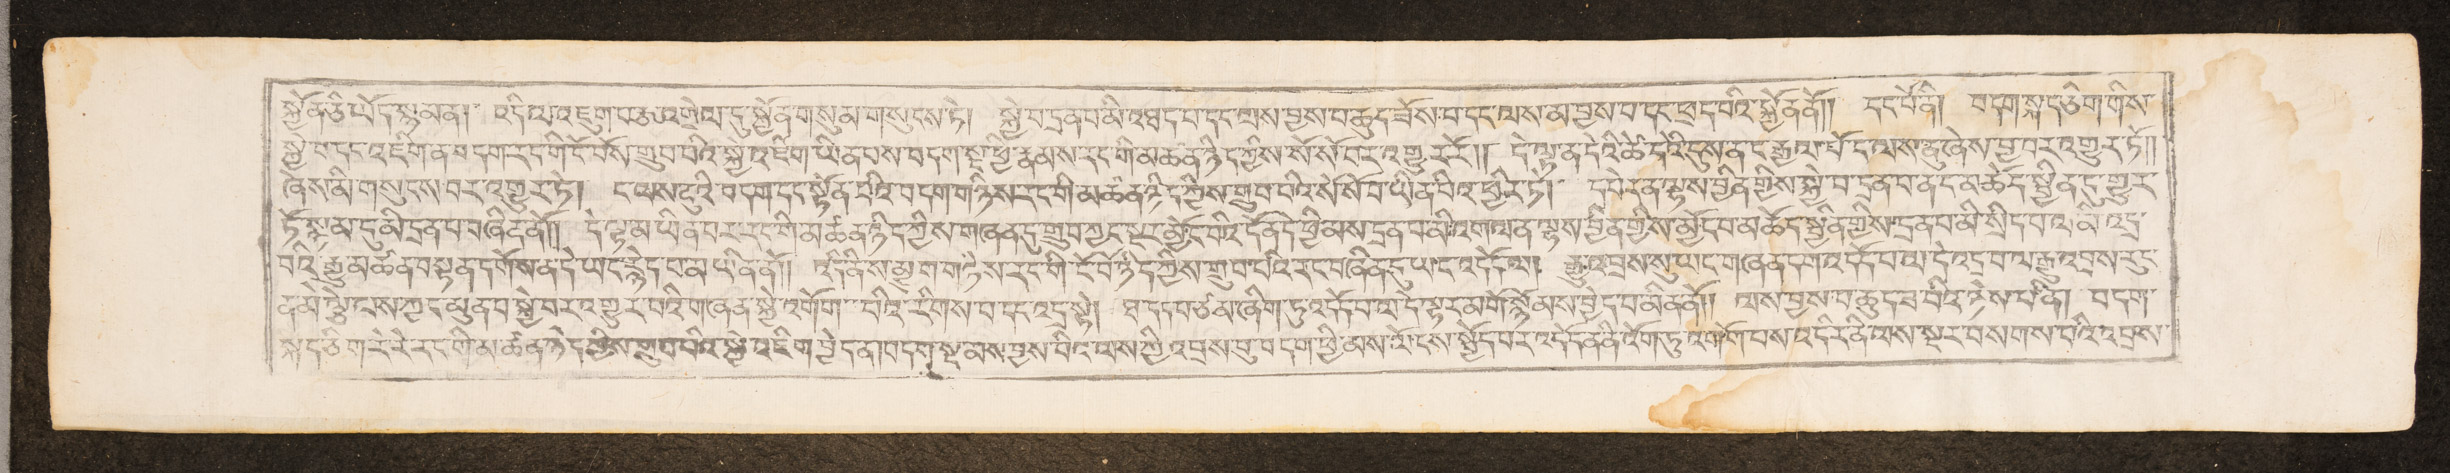སྐྱོན་ཅི་ཡོད་སྙམ་ན། འདི་ལ་འཇུག་པ་རྩ་འགྲེལ་དུ་སྐྱོན་གསུམ་གསུངས་ཏེ། སྐྱེ་བ་དྲན་པ་མི་འཐད་པ་དང་ལས་བྱས་པ་ཆུད་ཟོས་པ་དང་ལས་མ་བྱས་པ་དང་ཕྲད་པའི་སྐྱོན་ནོ།། དང་པོ་ནི། བདག་སྐད་ཅིག་གིས་
སྐྱེ་བ་དང་འཇིག་ན་བདག་རང་གི་ངོ་བོས་གྲུབ་པའི་སྐྱེ་འཇིག་ཡིན་པས་བདག་སྔ་ཕྱི་རྣམས་རང་གི་མཚན་ཉིད་ཀྱིས་སོ་སོ་བར་འགྱུར་རོ།། དེ་ལྟན་དེའི་ཚེ་དེའི་དུས་ནང་རྒྱལ་པོ་ང་ལས་ནུ་ཞེས་བྱ་བར་འགྱུར་ཏོ།།
ཞེས་མིག་གསུངས་པར་འགྱུར་ཏེ། ང་ལས་ནུའི་བདག་དང་སྟོན་པའི་བདག་གཉིས་རང་གི་མཚན་ཉིད་ཀྱིས་གྲུབ་པའི་སོ་སོ་བ་ཡིན་པའི་ཕྱིར་ཏེ། དཔེར་ན་ལྷས་བྱིན་གྱིས་སྐྱེ་བ་དྲན་པ་ན་ང་མཆོད་སྦྱིན་དུ་གྱུར་
ཏོ་སྙམ་དུ་མི་དྲན་པ་བཞིན་ནོ།། དེ་ལྟ་མ་ཡིན་པར་རང་གི་མཚན་ཉིད་ཀྱིས་གཞན་དུ་གྲུབ་ཀྱང་སྔར་མྱོང་བའི་དོན་དེ་ཕྱི་མས་དྲན་པ་མི་འགལ་ན་ལྷས་བྱིན་གྱིས་མྱོང་བ་མཆོད་སྦྱོན་གྱིས་དྲན་པ་མི་སྲིད་པ་ལ་མི་འདྲ་
བའི་རྒྱུ་མཚན་བསྟན་དགོས་ན་དེ་ཡང་རྙེད་པ་མ་ཡིན་ནོ།། འདི་ནི་ས་མྱུད་གཉིས་རང་གི་ངོ་བོ་ཉིད་ཀྱིས་གྲུབ་པའི་རང་བཞིན་དུ་ཡང་འདོད་ལ། རྒྱུ་འབྲས་སུ་ཡང་གཞན་དག་འདོད་པ་ལ་དེ་འདྲ་བ་ལ་རྒྱུ་འབྲས་རུང་
ན་མེ་ལྕེ་ལས་ཀྱང་མུན་པ་སྐྱེ་བར་འགྱུར་བའི་གཞན་སྐྱེ་འགོག་པའི་རིགས་པ་དང་འདྲ་སྟེ། ཐ་དད་པ་ཙམ་ཞིག་ཏུ་འདོད་པ་ལ་དེ་ལྟར་མགོ་སྙོམས་བྱེད་པ་མིན་ནོ།། ལས་བྱས་པ་ཆུད་ཟ་བའི་ཉེས་པ་ནི། བདག་
སྐད་ཅིག་རེ་རེ་རང་གི་མཚན་ཉིད་ཀྱིས་གྲུབ་པའི་སྐྱེ་འཇིག་བྱེད་ན། བདག་སྔ་མས་བྱས་པའི་ལས་ཀྱི་འབྲས་བུ་བདག་ཕྱི་མས་ལོངས་སྤྱོད་པར་འདོད་ན་ནི་འོག་ཏུ་འགོག་པས་འདིར་ནི་ལས་སྔར་བསགས་པའི་འབྲས་